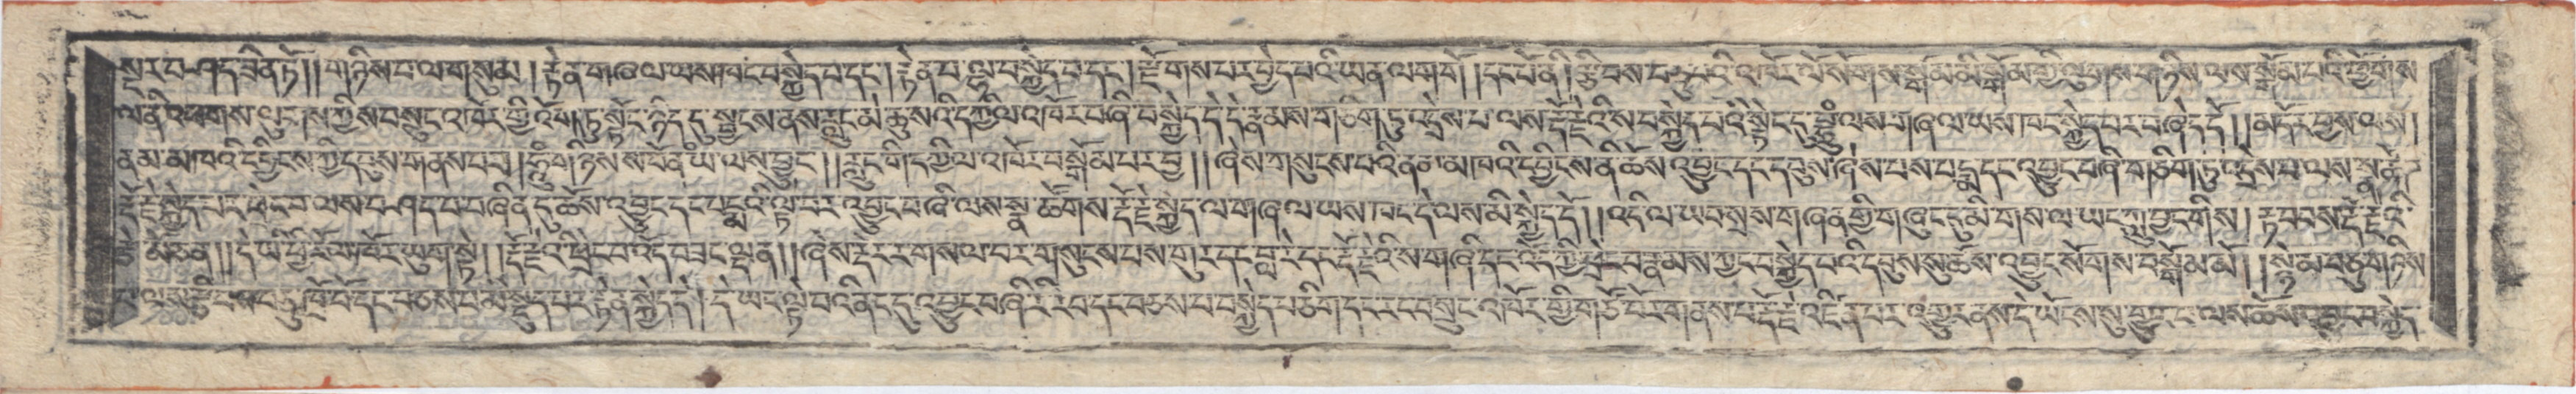སྔར་བཤད་ཟིན་ཏོ། །གཉིས་པ་ལ་གསུམ། རྟེན་གཞལ་ཡས་ཁང་བསྐྱེད་པ་དང་། རྟེན་པ་ལྷ་བསྐྱེད་པ་དང་། རྫོགས་པར་བྱེད་པའི་ཡན་ལག་གོ །དང་པོ་ནི། རྩིབས་བཅུ་པའི་འཁོར་ལོ་སོགས་སྒོམ་མི་སྒོམ་གྱི་ལུགས་གཉིས་ལས་སྒོམ་པའི་ཕྱོགས་
ལ་ནི་འཕགས་ལུགས་ཀྱིས་བསྲུང་འཁོར་གྱི་འོག་ཏུ་སྟོང་ཉིད་དུ་སྦྱངས་ནས་རླུང་མེ་ཆུ་སའི་དཀྱིལ་འཁོར་བཞི་བསྐྱེད་དེ་དེ་རྣམས་གཅིག་ཏུ་འདྲེས་པ་ལས་རྡོ་རྗེའི་ས་བསྐྱེད་པའི་སྟེང་དུ་བྷྲུཾ་ལས་གཞལ་ཡས་ཁང་སྐྱེད་པར་བཞེད་དོ། །མདོར་བྱས་ལས།
ནམ་མཁའ་དབྱིངས་ཀྱི་དབུས་གནས་པར། །ཧཱུཾ་གཉིས་ས་བོན་ཡཾ་ལས་བྱུང་། །རླུང་གི་དཀྱིལ་འཁོར་བསྒོམ་པར་བྱ། །ཞེས་གསུངས་པའི་ནམ་མཁའི་དབྱིངས་ནི་ཆོས་འབྱུང་དང་དབུས་ཞེས་པས་པདམ་དང་འབྱུང་བཞི་གཅིག་ཏུ་འདྲེས་པ་ལས་སྣ་ཚོགས་
རྡོ་རྗེ་སྐྱེད་པར་ཕྲེང་བ་ལས་བཤད་པ་བཞིན་དུ་ཆོས་འབྱུང་དང་པདམའི་ལྟེ་བར་འབྱུང་བ་ཞི་ལས་སྣ་ཚོགས་རྡོ་རྗེ་སྐྱེད་ལ་གཞལ་ཡས་ཁང་དེ་ལས་མི་སྐྱེད་དོ། །འདི་ལ་ཡབ་སྲས་གཞན་གྱི་གཞུང་དུ་མི་གསལ་ཡང་ཀླུ་བྱང་གིས། རྟ་བབས་རྡོ་རྗེའི་
རྩེ་མོ་ཅན། །དེ་ཡི་ཕྱི་རོལ་ཁོར་ཡུག་སྟེ། །རྡོ་རྗེའི་ཕྲེང་པ་འོད་བཟང་ལྡན། །ཞེས་རྡོ་རེ་རེ་གསལ་བར་གསུངས་པས་གུར་དང་བླ་རེ་དང་རྡོ་རྗེའི་ས་གཞི་དང་འོད་ཀྱི་ཕྲེང་བ་རྣམས་ཀྱང་བསྐྱེད་པའི་དབུས་སུ་ཆོས་འབྱུང་སོགས་བསྒོམ་མོ། །སྙེ་མ་བཅུ་གཉིས་
བ་ལས་རྩིབས་བཅུ་ཁྲོ་བོ་དང་བཅས་པ་མི་སྡུད་པར་རྟེན་སྐྱེད་དེ། དེ་ཡང་ལྟེ་བའི་ནང་དུ་འབྱུང་བཞི་རི་རབ་དང་བཅས་པ་བསྐྱེད་པ་ཅིག་དང་རང་བསྲུང་འཁོར་གྱི་གཙོ་བོར་གནས་པ་རྡོ་རྗེ་འཛིན་པར་འགྱུར་ནས་དེ་ཡོངས་སུ་གྱུར་པ་ལས་ཆོས་འབྱུང་བསྐྱེད་